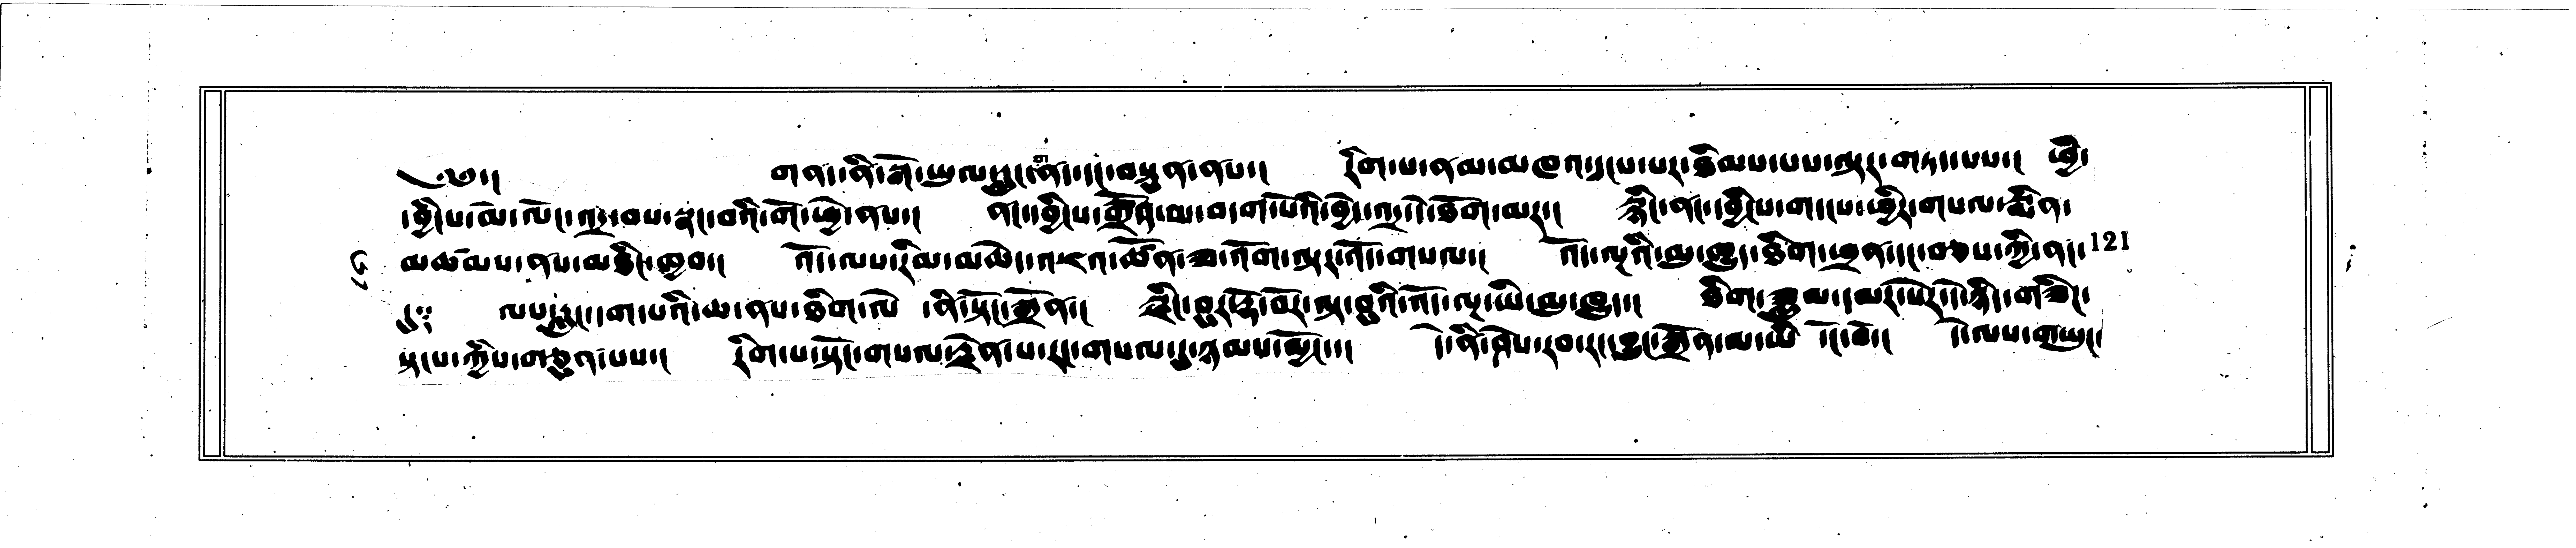གནད་ནི་སྒོ་ཡུལ་རླུང་གནད་དང་བསྟུན་ནས། །རིག་པ་ནམ་མཁའ་དང་པར་ཐིམ་པ་ལྟར་གཏད་པས། །ཕྱི་
དབྱིངས་མེ་ལོང་འདྲ་བས་སྣང་བའི་གོ་ཕྱེ་ནས། །ནང་དབྱིངས་སྒྲོན་མ་བདག་པོའི་བྱད་འདྲ་དེ་ཐོག་མར། །སྙིང་ནང་དབྱིངས་གདངས་ཕྱིར་གསལ་སྨིན་
མཚམས་ནས་མཐིང་ཁྱབ། །འོད་ལས་རིམ་མཆེད་འཇའ་ཚོན་ཟ་འོག་ལྟར་འོད་གསལ། །འོད་ལྔའི་མུ་ཁྱུད་ཐིག་ཕྲན་དང་བཅས་ཀྱི་ནང་
དུ། །ལས་རླུང་དག་པའི་ཆ་ནི་ཐིག་ལེ་ནི་སྟོང་སྒྲོན། །རྫིང་བུར་རྡོ་བོར་ལྟ་བུའི་འོད་ལྔ་ཡི་མུ་ཁྱུད། །ཐིག་ཟླུམ་དམར་སེར་དེ་ཉིད་གཟིགས་
སྟངས་ཀྱིས་གཅུན་པས། །རིག་པ་སྟོང་གསལ་རྗེན་པ་རང་གསལ་དུ་ཉམས་མྱོང་། །དེ་ནི་ཤེས་རབ་རང་བྱུང་སྒྲོན་མ་ཡི་ངོ་བོ། །དེ་ལས་གཡུང་